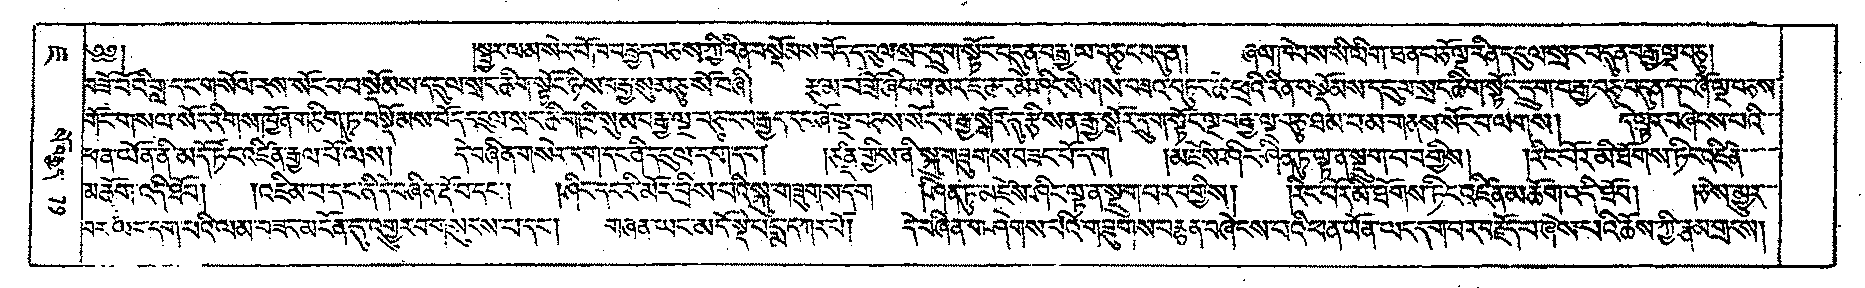༄༅། །སྦྱར་ལམ་སེར་པོ་ཁ་བརྒྱད་བཅས་ཀྱི་རིན་བསྡོམས་བོད་དངུལ་སྲང་དྲུག་སྟོང་བདུན་བརྒྱ་ལྔ་བཅུང་བདུན། ཞལ་ཁེབས་སི་ལིག་ཐ་ན་བཅོ་ལྔ་རིན་དངུལ་སྲང་བདུན་བརྒྱ་ལྔ་བཅུ།
བཟོ་བོའི་གླ་དང་གསོལ་རས་སོང་བ་བསྡོམས་དངུལ་སྲང་ཆིག་སྟོང་ཉིས་བརྒྱ་སུམ་ཅུ་སོ་བཞི། རྩམ་པ་གྲོ་ཞིབ་ཤ་མར་ཇ་ཆང་མེ་ཤིང་སོགས་བཟའ་བཏུང་ཚེ་ཕྲའི་རིན་བསྡོམས་དངུལ་སྲང་ཆིག་སྟོང་དྲུག་བརྒྱ་བཅུ་བདུན་དང་ཞོ་ལྔ་བཅས་
གོང་གསལ་སོང་རིགས་ཁྱོན་གཅིག་ཏུ་བསྡོམས་བོད་དངུལ་སྲང་ཆིག་ཁྲི་སུམ་བརྒྱ་ལྔ་བཅུ་ང་བརྒྱད་དང་ཞོ་ལྔ་བཅས་སོང་བ་རྒྱ་སྒོར་དུ་རྩིས་ན་རྒྱ་སྒོར་དྲུག་སྟོང་ལྔ་བརྒྱ་ལྔ་བཅུ་ཐམ་པ་མ་གནས་སོང་བ་ལགས། དེ་ལྟར་བཞེངས་པའི་
ཕན་ཡོན་ནི་མདོ་ཏིང་འཛིན་རྒྱལ་པོ་ལས། དེ་བཞིན་གསེར་དག་དང་ནི་དངུལ་དག་དང་། །ཙནྡ་གྱིས་ནི་སྐུ་གཟུགས་བཟང་པོ་དག །མཛེས་ཤིང་ཤིན་ཏུ་ལྟ་ན་སྡུག་པ་བགྱིས། །རིང་པོར་མི་ཐོགས་ཏིང་འཛིན་
མཆོག་འདི་ཐོབ། །འཇིམ་པ་དང་ནི་དེ་བཞིན་རྡོ་བ་དང་། །ཤིང་དང་རི་མོར་བྲིས་པའི་སྐུ་གཟུགས་དག །ཤིན་ཏུ་མཛེས་ཤིང་ལྟ་ན་སྡུག་པར་བགྱིས། །རིང་པོར་མི་ཐོགས་ཏིང་འཛིན་མཆོག་འདི་ཐོབ། །ཅེས་མྱུར་
བར་ཡང་དག་པའི་ལམ་བཟང་མངོན་དུ་འགྱུར་བ་གསུངས་པ་དང་། གཞན་ཡང་མདོ་སྡེ་པདམ་དཀར་པོ། དེ་བཞིན་གཤེགས་པའི་གཟུགས་བརྙན་བཞེངས་པའི་ཕན་ཡོན་ཡང་དག་པར་བརྗོད་པ་ཞེས་པའི་ཆོས་ཀྱི་རྣམ་གྲངས།